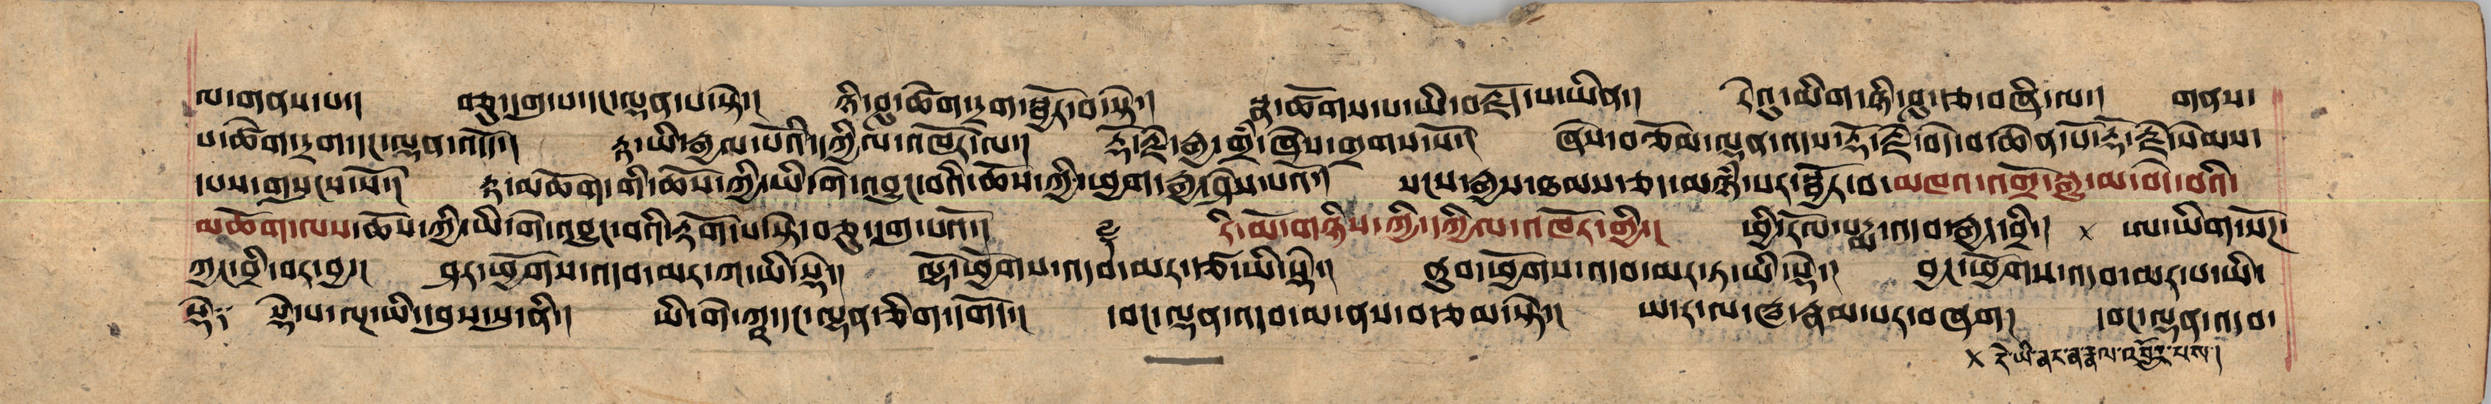ལ་གནས་པ་། བཅུ་དགུ་པ་དང་ལྡན་པ་སྟེ་། ཉི་ཤུ་ཚེག་དྲག་སྦྱོར་བ་སྟེ་། སྣ་ཚོགས་པ་ཡི་བརྗོད་པ་ཡིན་། རེའུ་མིག་ཉི་ཤུ་རྩ་བཞི་ལ་། གནས་
པ་ཚེག་དྲག་དང་ལྡན་འདོད་། རྟ་ཡི་རྒྱལ་པོའི་དཀྱིལ་འཁོར་ལ་། རྡོ་རྗེ་རྒྱ་གྲཾ་ཞེས་་གྲགས་སོ་། ཞེས་བཅོམ་ལྡན་འདས་རྡོ་རྗེ་བདེ་བ་ཆེན་པོ་རྡོ་རྗེ་སེམས་
དཔས་གསུངས་སོ་། རྟ་མཆོག་གི་ཆོས་ཀྱི་ཡི་གེ་འབྱུང་བའི་ཆོས་ཀྱི་ཕྱག་རྒྱ་ཤེས་པའོ་། སངས་རྒྱས་ཐམས་ཅད་མཉཾ་པར་སྦྱོར་བ་མཁའ་འགྲོ་སྒྱུ་མ་བདེ་བའི་
མཆོག་ལས་ཆོས་ཀྱི་ཡི་གེ་འབྱུང་བའི་རྟོག་པ་སྟེ་བཅུ་དགུ་པའོ་། ༈ རི་མོ་གཉིས་ཀྱི་དཀྱིལ་འཁོར་གྱི་། ཕྱི་རོལ་པདྨ་འདབ་རྒྱད་བྲི་། ཨ་ཡིག་སོཌ་
ཀྱང་བྲི་བར་བྱ་། ཤར་ཕྱོགས་འདབ་མར་ཀ་ཡི་སྡེ་། ལྷོ་ཕྱོགས་འདབ་མར་རྩ་ཡི་སྡེ་། ནུབ་ཕྱོགས་འདབ་མར་ཏ་ཡི་སྡེ་། བྱང་ཕྱོགས་འདབ་མར་པ་ཡི་
སྡེ༑ སྡེ་པ་ལྔ་ཡི་དབུས་སུ་ནི་། ཡི་གེ་ཀྵ་དང་ལྷན་ཅིག་དགོད་། དབང་ལྡན་འདབ་མ་ནས་བརྩམ་སྟེ་། ཡ་ར་ལ་ཝ་རྣམ་པར་བཞག། དབང་ལྡན་འདབ་